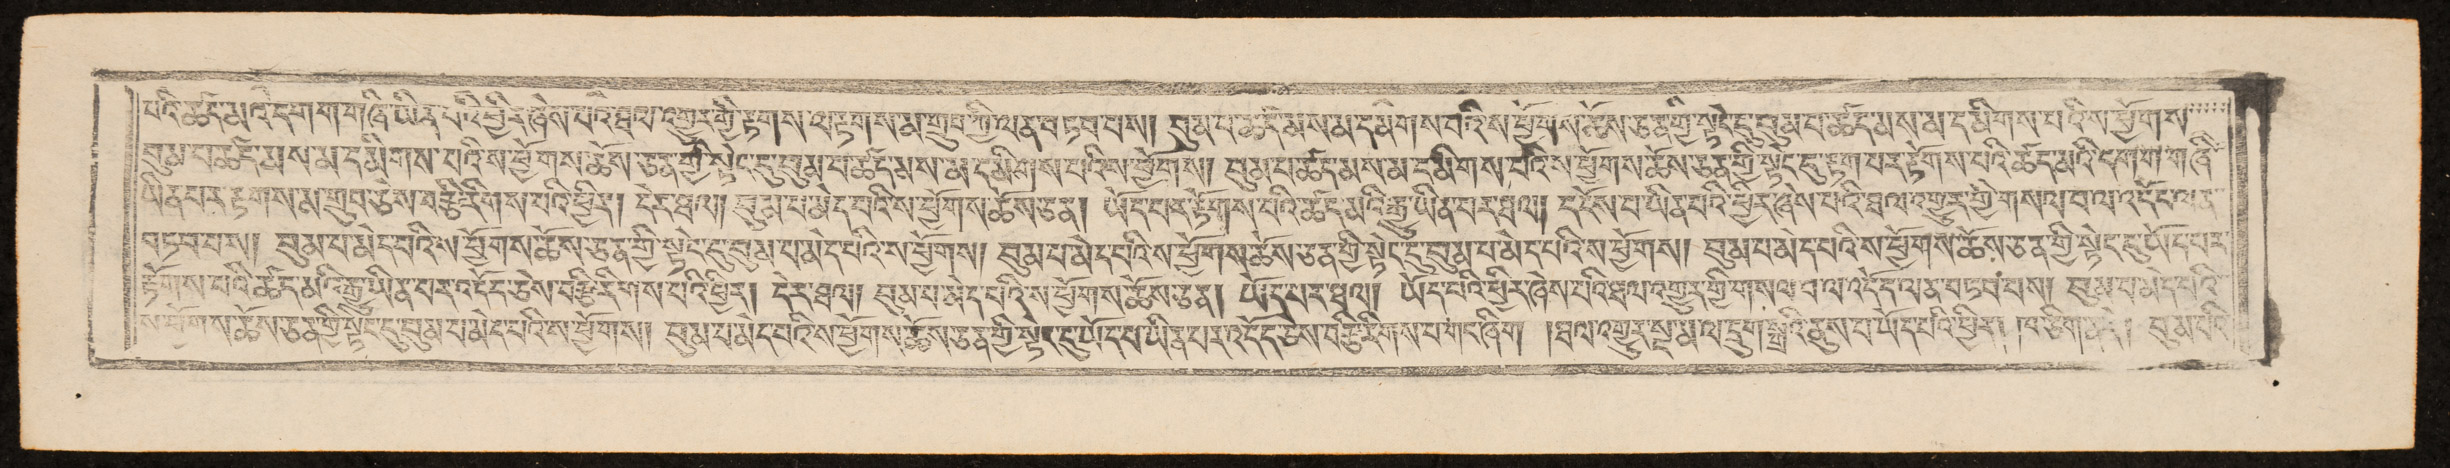པའི་ཚད་མའི་དགག་གཞི་ཡིན་པའི་ཕྱིར་ཞེས་པའི་ཐལ་འགྱུར་གྱི་རྟགས་ལ་རྟགས་མ་གྲུབ་ཀྱི་ལན་བཏབ་པས། བུམ་པ་ཚད་མས་མ་དམིགས་པའི་ས་ཕྱོགས་ཆོས་ཅན་གྱི་སྟེང་དུ་བུམ་པ་ཚད་མས་མ་དམིགས་པའི་ས་ཕྱོགས།
བུམ་པ་ཚད་མས་མ་དམིགས་པའི་ས་ཕྱོགས་ཆོས་ཅན་གྱི་སྟེང་དུ་བུམ་པ་ཚད་མས་མ་དམིགས་པའི་ས་ཕྱོགས། བུམ་པ་ཚད་མས་མ་དམིགས་པའི་ས་ཕྱོགས་ཆོས་ཅན་གྱི་སྟེང་དུ་རྟག་པར་རྟོགས་པའི་ཚད་མའི་དགག་གཞི་
ཡིན་པར་རྟགས་མ་གྲུབ་ཅེས་བརྩི་རིགས་པའི་ཕྱིར། དེར་ཐལ། བུམ་པ་མེད་པའི་ས་ཕྱོགས་ཆོས་ཅན། ཡོད་པར་རྟོགས་པའི་ཚད་མའི་རྒྱུ་ཡིན་པར་ཐལ། དངོས་པོ་ཡིན་པའི་ཕྱིར་ཞེས་པའི་ཐལ་འགྱུར་གྱི་གསལ་བ་ལ་འདོད་ལན་
བཏབ་པས། བུམ་པ་མེད་པའི་ས་ཕྱོགས་ཆོས་ཅན་གྱི་སྟེང་དུ་བུམ་པ་མེད་པའི་ས་ཕྱོགས། བུམ་པ་མེད་པའི་ས་ཕྱོགས་ཆོས་ཅན་གྱི་སྟེང་དུ་བུམ་པ་མེད་པའི་ས་ཕྱོགས། བུམ་པ་མེད་པའི་ས་ཕྱོགས་ཆོས་གྱི་སྟེང་དུ་ཡོད་པར་
རྟོགས་པའི་ཚད་མའི་རྒྱུ་ཡིན་པར་འདོད་ཅེས་བརྩི་རིགས་པའི་ཕྱིར། དེར་ཐལ། བུམ་པ་མེད་པའི་ས་ཕྱོགས་ཆོས་ཅན། ཡོད་པར་ཐལ། ཡོད་པའི་ཕྱིར་ཞེས་པའི་ཐལ་འགྱུར་གྱི་གསལ་བ་ལ་འདོད་ལན་བཏབ་པས། བུམ་པ་མེད་པའི་
ས་ཕྱོགས་ཆོས་ཅན་གྱི་སྟེང་དུ་བུམ་པ་མེད་པའི་ས་ཕྱོགས། བུམ་པ་མེད་པའི་ས་ཕྱོགས་ཆོས་ཅན་གྱི་སྟེང་དུ་ཡོད་པ་ཡིན་པར་འདོད་ཅེས་བརྩི་རིགས་པ་གང་ཞིག །ཐལ་འགྱུར་སྔ་མ་ལ་དྲུག་སྒྲའི་ནུས་པ་ཡོད་པའི་ཕྱིར། ཁ་ཅིག་ན་རེ། བུམ་པའ་